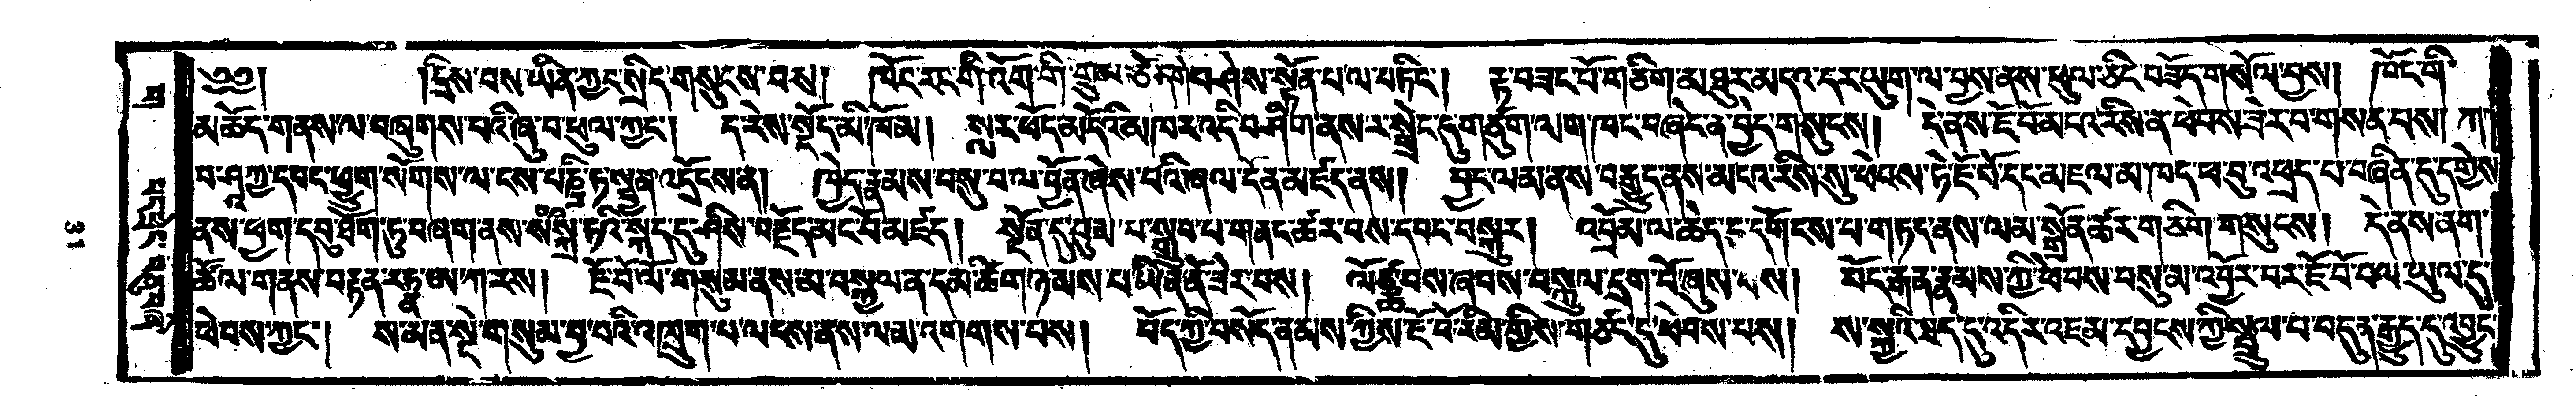༄༅། །དྲིས་པས་ཡིན་ཀྱང་སྲིད་གསུངས་བས། ཁོང་རང་གི་འོག་གི་གྲུམ་ཙེ་དགེ་བཤེས་སྟོན་པ་ལ་བཏིང་། རྟ་བཟང་པོ་གཅིག་མཐུར་མདའ་དར་ཡུག་ལ་བྱས་ནས་ཕུལ་ཅིང་བཟོད་གསོལ་བྱས། ཁོང་གི་
མཆོད་གནས་ལ་བཞུགས་པའི་ཞུ་བ་ཕུལ་ཀྱང་། ད་རེས་སྡོད་མི་ཁོམ། སླར་ཕོད་མདོའི་མཁར་འདི་བཤིག་ནས་ར་སྒྲེང་དུ་གཙུག་ལག་ཁང་བཞེད་ན་བྱེད་གསུངས། དེ་ནས་ཇོ་བོ་མངའ་རིས་ན་ཕེབས་ཟེར་བ་གསན་བས། ཀ་
བ་ཤཱཀྱ་དབང་ཕྱུག་སོགས་ལ་ངས་པཎྜི་ཏ་སྤྱན་འདྲོངས་ན། ཁྱེད་རྣམས་བསུ་བ་ལ་བྱོན་ཞེས་པའི་ཞལ་དོན་མཛད་ནས། བྱང་ལམ་ནས་བརྒྱུད་ནས་མངའ་རིས་སུ་ཕེབས་ཏེ་ཇོ་བོ་དང་མཇལ་མ་ཁྱད་ཕ་བུ་འཕྲད་པ་བཞིན་དུ་དགྱེས་
ནས་ཕྱག་དབུ་ཐོག་ཏུ་བཞག་ནས་སཾ་སྐྲྀ་ཏའི་སྐད་དུ་ཤིས་བརྗོད་མང་བོ་མཛད། སྔོན་དུ་བུམ་པ་སྒྲུབ་པ་གནང་ཚར་བས་དབང་བསྐུར། འབྲོམ་ལ་ཆེད་དུ་དགོངས་པ་གཏད་ནས་ལམ་སྒྲོན་ཚར་གཅིག་གསུངས། དེ་ནས་ནག་
ཚོལ་གནས་བརྟན་རཏྣ་ཨ་ཀ་རས། ཇོ་བོ་ལོ་གསུམ་ནས་མ་བསྐྱལ་ན་དམ་ཚིག་ཉམས་པ་ཡིན་ནོ་ཟེར་བས། ལོཙྪ་བས་ཞབས་བསྐུལ་དྲག་པོ་ཞུས་པས། བོད་རྒན་རྣམས་ཀྱི་ཕེབས་བསུ་མ་འབྱོར་བར་ཇོ་བོ་བལ་ཡུལ་དུ་
ཕེབས་ཀྱང་། ས་མན་སྡེ་གསུམ་བྱ་བའི་འཁྲུག་པ་ལངས་ནས་ལམ་འགགས་པས། བོད་ཀྱི་བསོད་ནམས་ཀྱིས་ཇོ་བོ་རིམ་གྱིས་གཙང་དུ་ཕེབས་པས། ས་སྐྱའི་ཐད་དུ་འདིར་འཇམ་དབྱངས་ཀྱི་སྤྲུལ་པ་བདུན་རྒྱུད་དུ་འབྱུང་